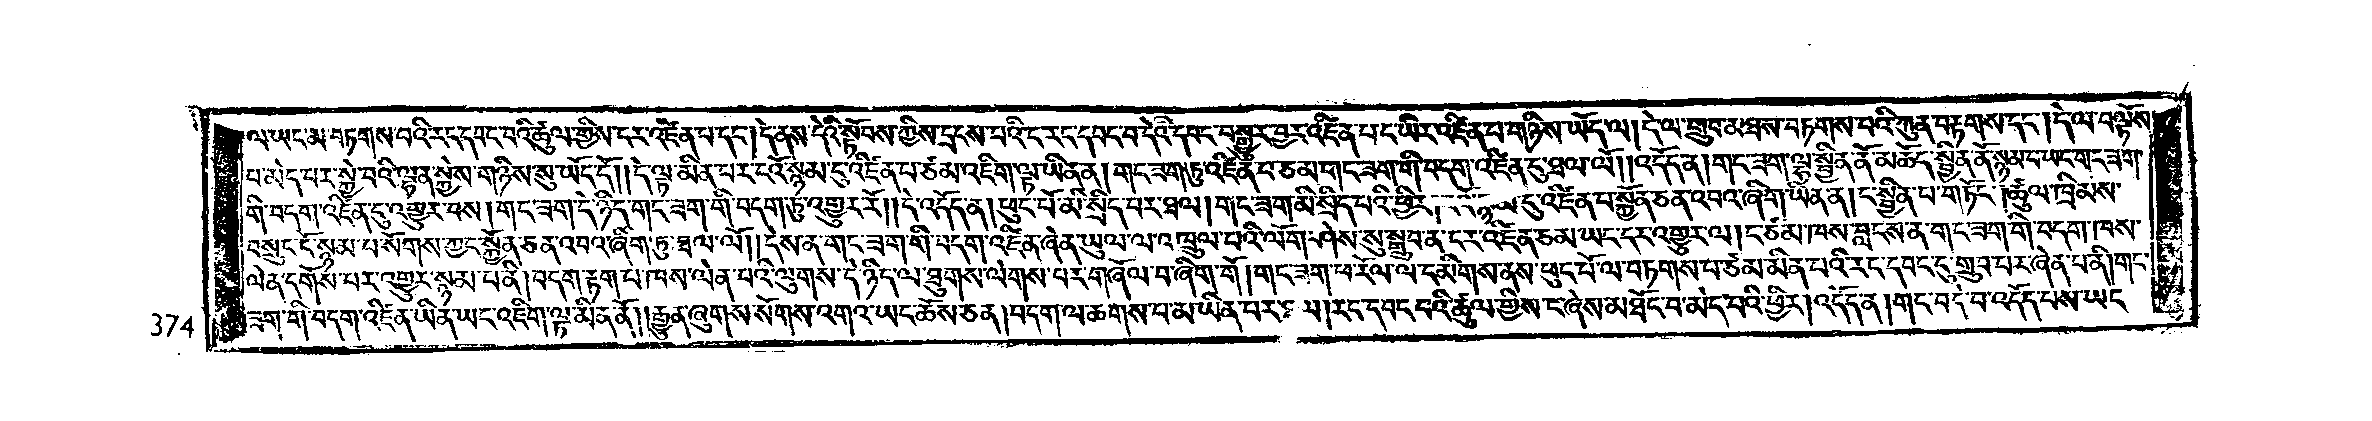ལ་ཡང་མ་བཏགས་པའི་རང་དབང་བའི་ཚུལ་གྱིས་ངར་འཛིན་པ་དང་། དེ་ནས་དེའི་སྟོབས་ཀྱིས་དྲངས་པའི་ང་རང་དབང་བ་དེའི་དབང་བསྒྱུར་བྱར་འཛིན་པ་ང་ཡིར་འཛིན་པ་གཉིས་ཡོད་ལ། དེ་ལ་གྲུབ་མཐས་བཏགས་པའི་ཀུན་བརྟགས་དང་། དེ་ལ་བལྟོས་
པ་མེད་པར་སྐྱེ་བའི་ལྷན་སྐྱེས་གཉིས་སུ་ཡོད་དོ། །དེ་ལྟ་མིན་པར་ངའོ་སྙམ་དུ་འཛིན་པ་ཙམ་འཇིག་ལྟ་ཡིན་ན། གང་ཟག་ཏུ་འཛིན་པ་ཙམ་གང་ཟག་གི་བདག་འཛིན་དུ་ཐལ་ལོ། །འདོད་ན། གང་ཟག་ལྷ་སྦྱིན་ནོ་མཆོད་སྦྱིན་ནོ་སྙམ་པ་ཡང་གང་ཟག་
གི་བདག་འཛིན་དུ་འགྱུར་བས། གང་ཟག་དེ་ཉིད་གང་ཟག་གི་བདག་ཏུ་འགྱུར་རོ། །དེ་འདོད་ན། ཕུར་པོ་མི་སྲིད་པར་ཐལ། གང་ཟག་མི་སྲིད་པའི་ཕྱིར། ངའོ་སྙམ་དུ་འཛིན་པ་སྐྱོན་ཅན་འབའ་ཞིག་ཡིན་ན། ང་སྦྱིན་པ་གཏོང་། ཚུལ་ཁྲིམས་
བསྲུང་ངོ་སྙམ་པ་སོགས་ཀྱང་སྐྱོན་ཅན་འབའ་ཞིག་ཏུ་ཐལ་ལོ། །དེས་ན་གང་ཟག་གི་བདག་འཛིན་ཞེན་ཡུལ་ལ་འཁྲུལ་པའི་ལོག་ཤེས་སུ་སྒྲུབ་ན་ངར་འཛིན་ཙམ་ཡང་ངར་འགྱུར་ལ། ང་ཙམ་ཁས་བླངས་ན་གང་ཟག་གི་བདག་ཁས་
ལེན་དགོས་པར་འགྱུར་སྙམ་པ་ནི། བདག་རྟག་པ་ཁས་ལེན་པའི་ལུགས་དེ་ཉིད་ལ་ཐུགས་ལེགས་པར་གཞོལ་བ་ཞིག་གོ། གང་ཟག་ཕ་རོལ་ལ་དམིགས་ནས་ཕུང་པོ་ལ་བཏགས་པ་ཙམ་མིན་པའི་རང་དབང་དུ་གྲུབ་པར་ཞེན་པ་ནི། གང་
ཟག་གི་བདག་འཛིན་ཡིན་ཡང་འཇིག་ལྟ་མིན་ནོ། །རྒྱུན་ཞུགས་སོགས་འགའ་ཡང་ཆོས་ཅན། བདག་ལ་ཆགས་པ་མ་ཡིན་པར་ཐལ། རང་དབང་བའི་ཚུལ་གྱིས་ང་ཞེས་མཐོང་བ་མེད་པའི་ཕྱིར། འདོད་ན། གང་བདེ་བ་འདོད་པས་ཡང་